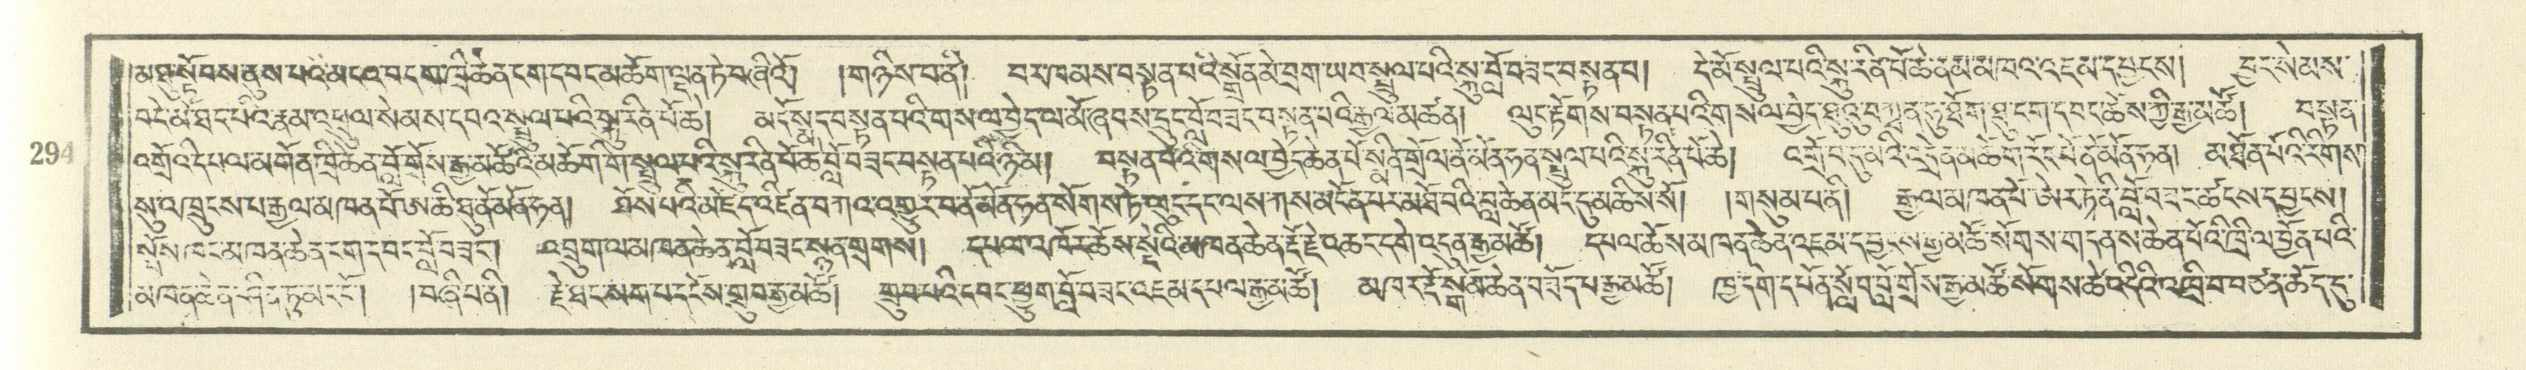མཐུ་སྟོབས་ནུས་པའི་མངའ་བདག་ཁྲི་ཆེན་ངག་དབང་མཆོག་ལྡན་ཏེ་བཞིའོ། །གཉིས་པ་ནི། བར་ཁམས་བསྟན་པའི་སྒྲོན་མེ་བྲག་ཡབ་སྤྲུལ་པའི་སྐུ་བློ་བཟང་བསྟན་པ། དེ་མོ་སྤྲུལ་པའི་སྐུ་རིན་པོ་ཆེ་ནམ་མཁའ་འཇམ་དབྱངས། བྱང་སེམས་
བདེ་མཐོང་པའི་རྣམ་འཕྲུལ་སེམས་དཔའ་སྤྲུལ་པའི་སྐུ་རིན་པོ་ཆེ། མདོ་སྨད་བསྟན་པའི་གསལ་བྱེད་ལ་མོ་ཞབས་དྲུང་བློ་བཟང་བསྟན་པའི་རྒྱལ་མཚན། ལུང་རྟོགས་བསྟན་པའི་གསལ་བྱེད་ཐུའུ་བཀྭན་ཧུ་ཐོག་ཐུ་ངག་དབང་ཆོས་ཀྱི་རྒྱ་མཚོ། བསྟན་
འགྲོའི་དཔལ་མགོན་ཁྲི་ཆེན་བློ་གྲོས་རྒྱ་མཚོའི་མཆོག་གི་སྤྲུལ་པའི་སྐུ་རིན་པོ་ཆེ་བློ་བཟང་བསྟན་པའི་ཉི་མ། བསྟན་པའི་གསལ་བྱེད་ཆེན་པོ་སྨིན་གྲོལ་ནོ་མོན་ཧན་སྤྲུལ་པའི་སྐུ་རིན་པོ་ཆེ། འགྲོ་བ་དུ་མའི་འདྲེན་མཆོག་རོང་པོ་ནོ་མོན་ཧན། མཐོན་པོའི་རིགས་
སུ་འཁྲུངས་པ་རྒྱལ་མཁན་པོ་ཨ་ཆི་ཐུ་ནོ་མོན་ཧན། ཐོས་པའི་མཛོད་འཛིན་བཀའ་འགྱུར་བ་ནོ་མོན་ཧན་སོགས་ཏེ་ལུང་དང་ལས་ཀས་མངོན་པར་མཐོ་བའི་བླ་ཆེན་མང་དུ་མཆིས་སོ། །གསུམ་པ་ནི། རྒྱལ་མཁན་པོ་ཨེར་ཏེ་ནི་བློ་བཟང་ཚངས་དབྱངས།
སྤོས་ཁང་མཁན་ཆེན་ངག་དབང་བློ་བཟང་། འབྲུག་ལ་མཁན་ཆེན་བློ་བཟང་སྙན་གྲགས། དཔལ་འཁོར་ཆོས་སྡེའི་མཁན་ཆེན་རྡོ་རྗེ་འཆང་དགེ་འདུན་རྒྱ་མཚོ། དཔལ་ཆོས་མཁན་ཆེན་འཇམ་དབྱངས་རྒྱ་མཚོ་སོགས་གདན་ས་ཆེན་པོའི་ཁྲིལ་བྱོན་པའི་
མཁན་ཆེན་ཤིན་ཏུ་མང་ངོ། །བཞི་པ་ནི། རྗེ་ཐང་སག་པ་དངོས་གྲུབ་རྒྱ་མཚོ། གྲུབ་པའི་དབང་ཕྱུག་བློ་བཟང་འཇམ་དཔལ་རྒྱ་མཚོ། མཁར་རྡོ་སྒོམ་ཆེན་བཟོད་པ་རྒྱ་མཚོ། ཁྱ་དགེ་དཔོན་སློབ་བློ་གྲོས་རྒྱ་མཚོ་སོགས་ཚེ་འདིའི་འཁྲི་བ་བཙན་ཆོད་དུ་